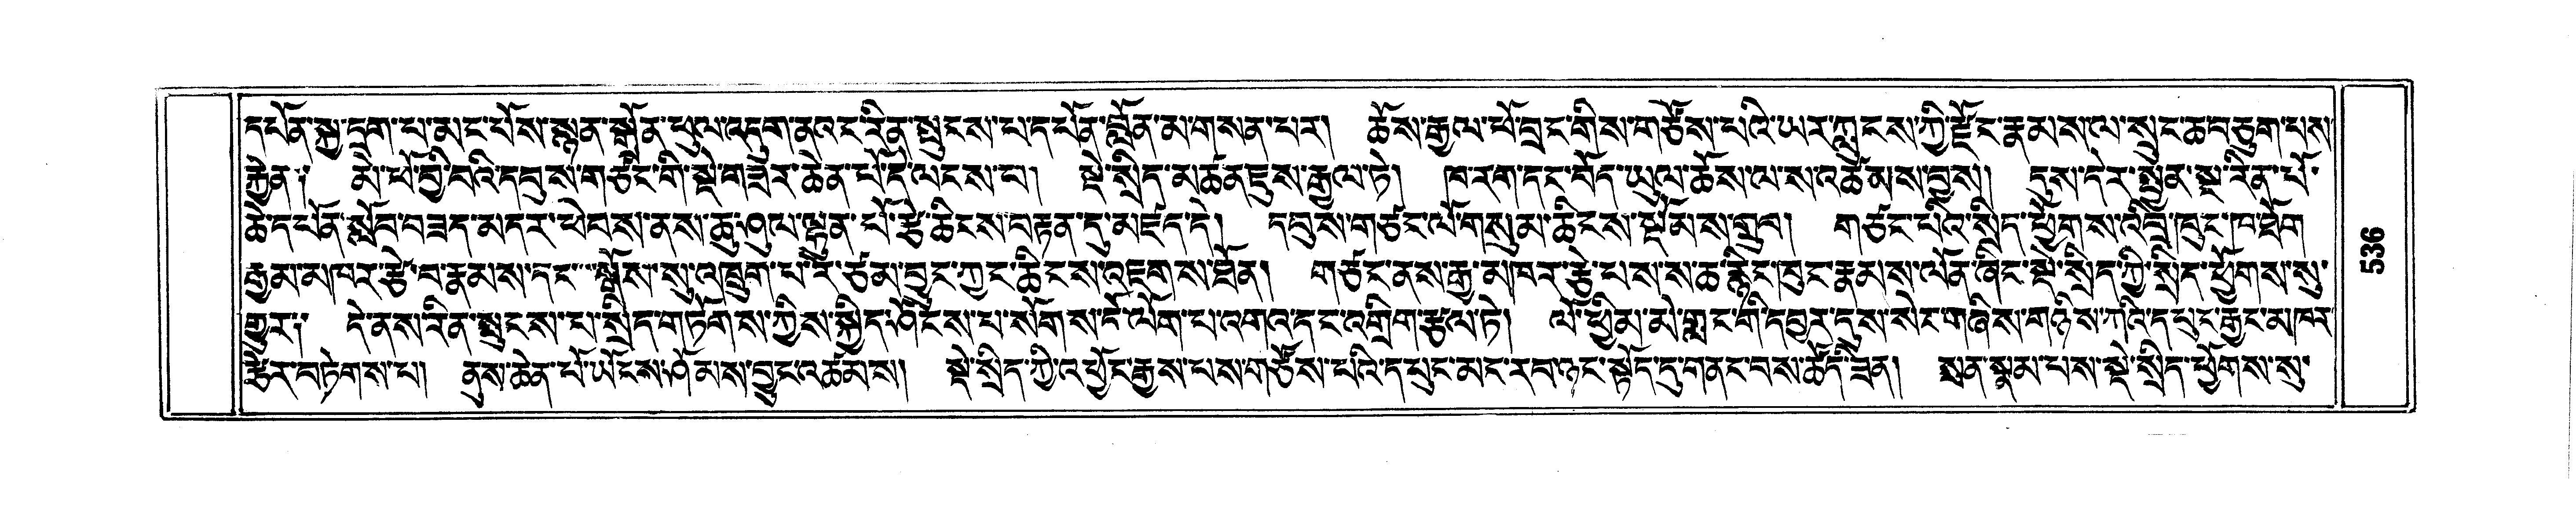དཔོན་སྐྱ་དྲག་པ་མང་པོས་སྙན་སྒྲོན་ཕུལ་འདུག་ནའང་རིན་སྤུངས་པ་དཔོན་བློན་མ་གསན་པར། ཆོས་རྒྱལ་ཕོ་བྲང་གིས་གཙོས་པའི་ཡར་ཀླུངས་ཀྱི་རྫོང་རྣམས་ལ་སྲུང་ཆ་བཅུག་པས་
རྐྱེན༑ མེ་ཕོ་བྱི་བའི་དབུས་གཙང་གི་སྡེ་གཟར་ཆེན་པོ་དེ་ལངས་པ། སྡེ་སྲིད་མཚན་ཇུས་རྒྱལ་ཏེ། ཁ་རག་དང་བོད་ཡུལ་ཆོས་ལ་ས་འཚམས་བྱས། དུས་དེར་སྤྱན་སྔ་རིན་པོ་
ཆེ་དཔོན་སློབ་བཟད་མདར་ཕེབས་ནས་ཆུ་ཤུལ་ལྷུན་པོ་རྩེ་ཆིངས་བརྟན་དུ་མཛད་དེ། དབུས་གཙང་ལོ་གསུམ་ཆིངས་སྡོམས་གྲུབ། གཙང་པའི་སྲིད་ཕྱོགས་འབྲི་ཁུང་ཁ་ཐོག་
རྒྱམ་མཁར་རྩེ་བ་རྣམས་དང་སྒོས་སུ་འཁྲུག་པ་ར་ཙམ་བྱུང་ཀྱང་ཆིངས་འཇགས་ཐོན། གཙང་ནས་རྒྱ་མཁར་རྩེ་པས་ས་ཆ་རྙིང་ཁུང་རྣམས་ལོན་ཞིང་སྡེ་སྲིད་ཀྱི་སྲིད་ཕྱོགས་སུ་
གྱུར༑ དེ་ནས་རིན་སྤུངས་པ་སྲིད་གཏོགས་ཀྱིས་སྐྱིད་ཤོངས་པ་སོགས་དོ་ལོག་པ་འགའ་དང་འགྲིག་རྩལ་ཏེ། ལོ་ཕྱིམ་མེ་གླང་གི་དབྱར་དུས་སེང་གཞིས་གཉིས་ཀའི་དཔུང་རྒྱང་མཁར་
རྩེར་བཏེགས་པ། ནུས་ཆེན་པོ་ཡོངས་ཤོམས་བྱུང་འཚམས། སྡེ་སྲིད་ཀྱི་འཕྱོང་རྒྱས་པས་གཙོས་པའི་དཔུང་མང་རབ་ཉང་སྟོད་དུ་གནང་བས་ཚོད་ཟིན། སྤན་སྣམ་པས་སྡེ་སྲིད་ཕྱོགས་སུ་